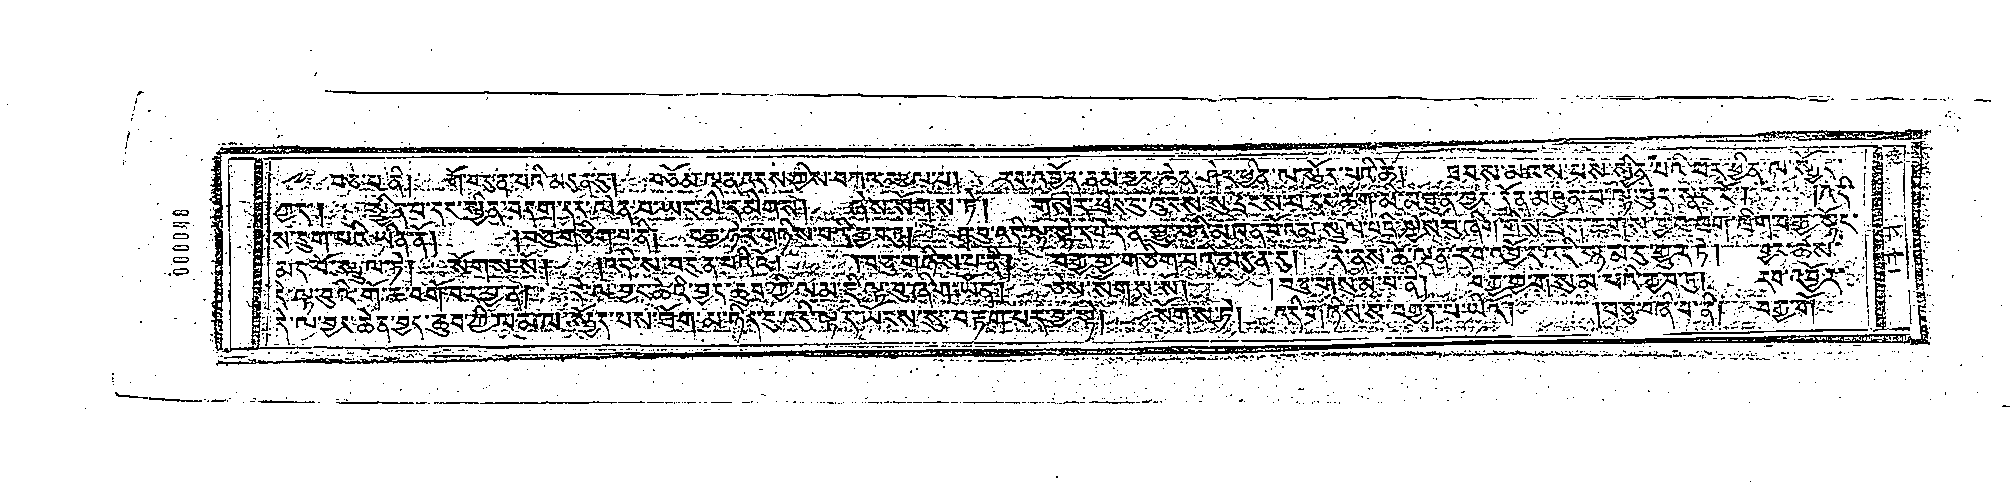༧་བཅུ་པ་ནི། གོ་བདུན་པའི་མདུན་དུ། བཅོམ་ལྡན་འདས་ཀྱིས་བཀའ་སྩལ་པ། རབ་འབྱོར་ནམ་བྱང་ཆེན་ཤེར་ཕྱིན་ལ་སྤྱོད་པའི་ཚེ། ཐབས་མཁས་པས་སྦྱིན་པའི་ཕར་ཕྱིན་ལ་སྤྱོད་
ཀྱང་། སྦྱིན་པ་དང་སྦྱིན་བདག་དང་ལེན་པ་ཡང་མི་དམིགས། ཞེས་སོགས་ཏེ། གསེར་ཕྲེང་དུ་ཁུངས་སུ་དྲངས་པ་དད་ཚིག་མི་མཐུན་ཀྱང་དོན་མཐུན་པ་ལྟ་བུར་སྣང་ངོ། །འདི་
ས་དྲུག་པའི་ཡིན་ནོ། །བཅུ་གཅིག་པ་ནི། བརྒྱ་ཉེར་གཉིས་པའི་རྒྱབ་ཏུ། ཤ་བུ་འདི་ལྟ་སྟེ་དཔེར་ན་སྒྱུ་མའི་མཁན་བོའམ་སྤུལ་པའི་སྐྱེས་བུ་ཞིག་གིས་སྲོག་ཆགས་བྱེ་བ་ཁྲག་ཁྲིག་བརྒྱ་སྟོང་
མང་པོ་སྤྲུལ་ཏེ། སོགས་སོ། །འདི་ས་བདུན་པའིའོ། །བཅུ་གཉིས་པ་ནི། བརྒྱ་གྱ་གཅིག་པའི་མདུན་དུ། དེ་ནས་ཚེ་ལྡན་རབ་འབྱོར་འདི་སྙམ་དུ་གྱུར་ཏེ། བྱང་ཆེས་
དེ་ལྟ་བུའི་གོ་ཆ་བགོ་བར་བྱ་ན། དེ་ལ་བྱང་ཆེའི་བྱང་ཆུབ་ཀྱི་ལམ་ཇི་ལྟ་བུ་ཞིག་ཡོད། ཅེས་སོགས་སོ། །བཅུ་གསུམ་པ་ནི། བརྒྱ་གྱ་གསུམ་པའི་རྒྱབ་ཏུ། རབ་འབྱོར་
དེ་ལ་བྱང་ཆེན་བྱང་ཆུབ་ཀྱི་ལམ་ལ་སྤྱོད་པས་ཐོག་མ་ཉིད་དུ་འདི་ལྟར་ཡོངས་སུ་བརྟག་པར་བྱ་སྟེ། སོགས་ཏེ། འདི་གཉིས་ས་བརྒྱད་པ་ཡིའོ། །བཅུ་བཞི་པ་ནི། བརྒྱ་གོ་